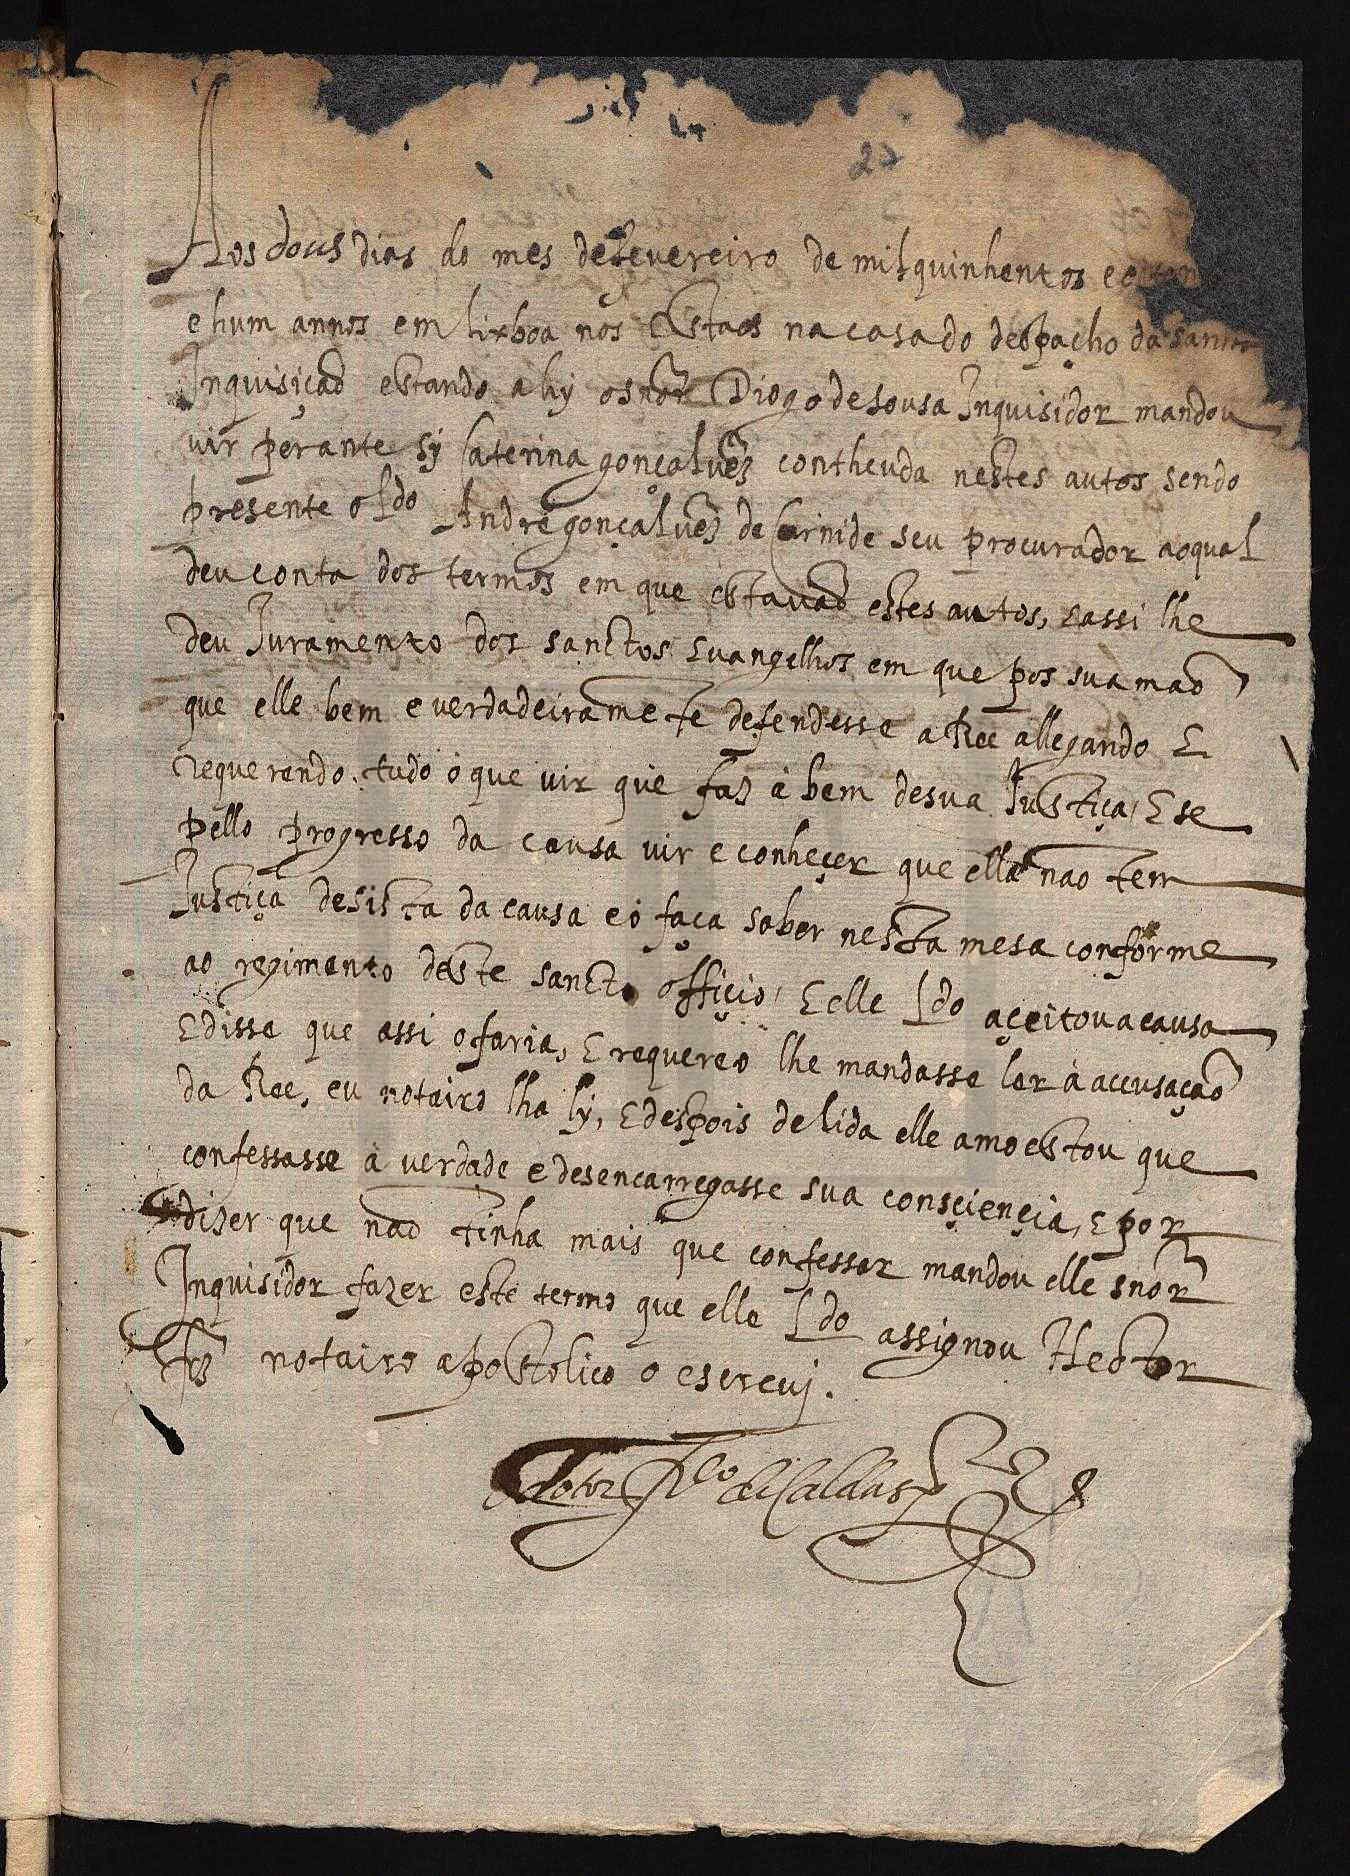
Aos dous dias do mes de feuereiro de mil quinhentos e oiten
e hum annos em lixboa nos estaos na casa do despacho da sancta
Jnquisiçaõ estando ahy o snōr Diogo de sousa Jnquisidor mandou
uir perante sy Caterina gonçaluēz contheuda nestes autos sendo
presente o Ldo Andre goncaluēz de Carnide seu procurador ao qual
deu conta dos termos em que estauaõ estes autos, E assi lhe
deu Juramento dos sanctos Euangelhos em que pos sua maõ
que elle bem e uerdadeiramēte defendesse a Ree allegando E
requerendo tudo o que uir que faz a bem de sua Justiça / E se
pello progresso da causa uir e conheçer que ella não tem
Justiça desista da causa e o faça saber nesta mesa conforme
ao regimento deste sancto offiçio / E elle Ldo açeitou a causa
E disse que assi o faria, E requereo lhe mandasse ler a accusaçaõ
da Ree, eu notairo lha ly, E despois de lida elle amoestou que
confessasse à uerdade e desencarregasse sua consçiençia, E por
dizer que naõ tinha mais que confessar mandou elle snor̄
Jnquisidor fazer este termo que elle Ldo assignou Hector
fr̄z notairo apostolico o escreuj.
